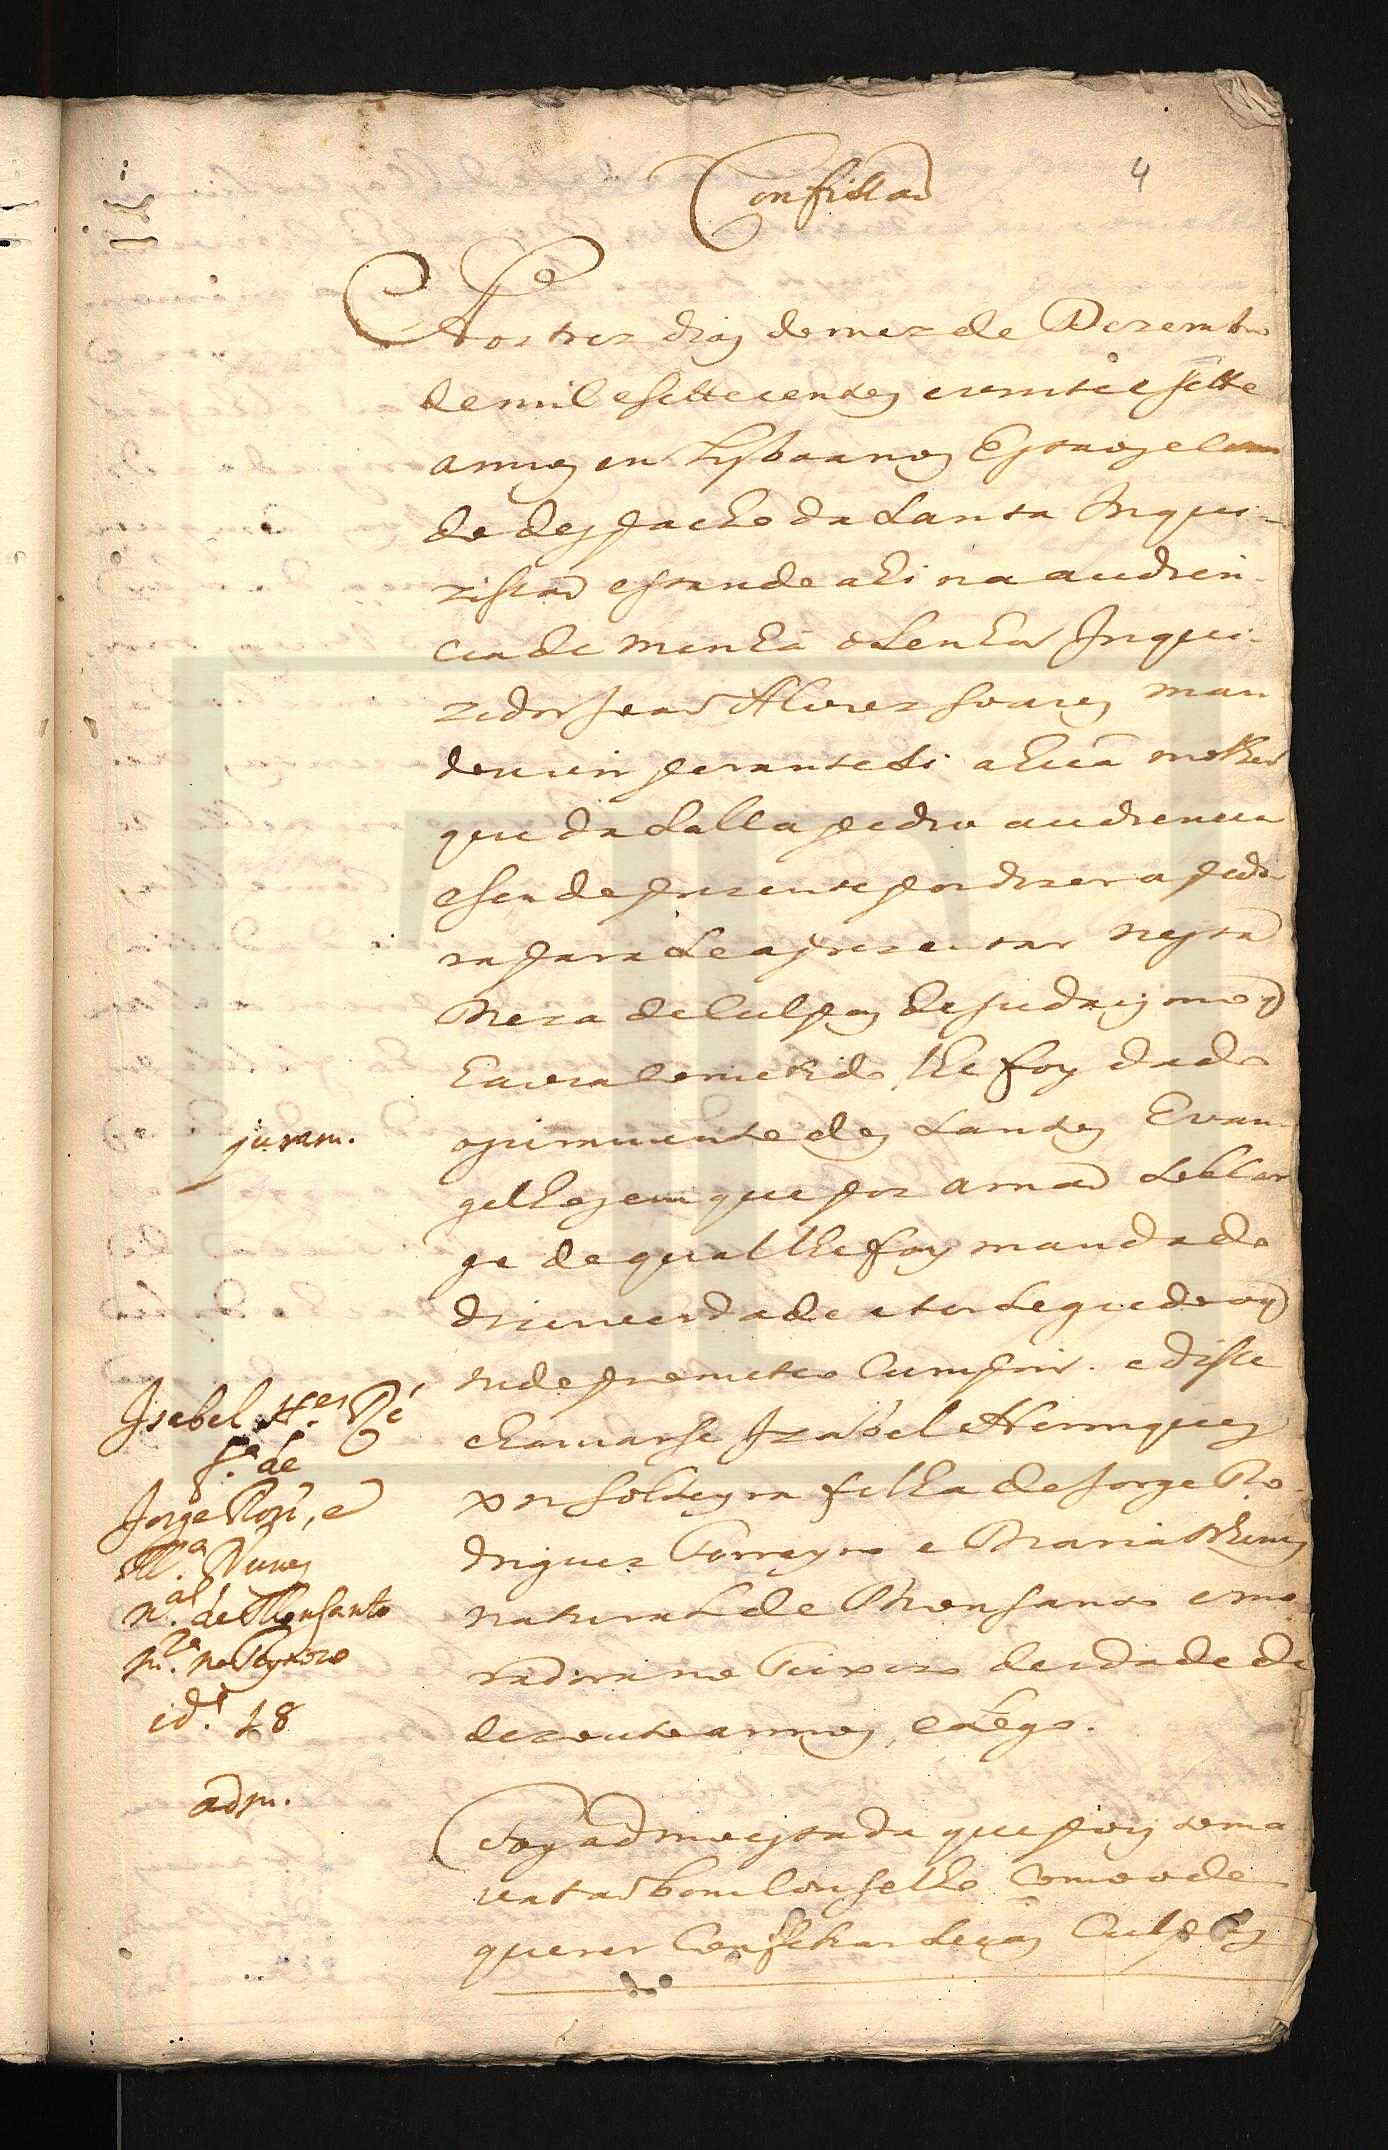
juram.
Jsabel H.es Ré
f.a de
Jorge Roiz̄, e
M.a Nunes
n.al de Monsanto
m.ra no Teyxozo
id.e 18
adm.
Confissaõ
Aos trez dias do mez de Dezembro
de mil e settecentos e vinte e sette
annos en Lisboa nos Estaos e casa
do despacho da Santa Inqui
zissaõ estando ahi na audien
cia de menhã o Senhor Jnqui
zedor Joaõ Alvrez soares man
dou uir perante si a huā molher
que da salla pedio audiencia
e sendo prezente por dizer a pedi
ra para se aprezentar nesta
Meza de culpas de judaismo q̄
havera cometido lhe foy dado
o juramento dos Santos Evan
gelhos em que pos a maõ sob car
go do qual lhe foy mandado
dizer verdade e ter segredo o q̄
tudo prometeo cumprir. e disse
chamarse Jzabel Henriquez
xn solteyra filha de Jorge Ro
driguez Ferreya e Maria Nunes
naturaL de Monsanto e mo
radora no Teixozo de idade de
dezouto annos, e Logo.
Foy admoestada que pois se mo
va taõ bom Conselho, como o de
querer Confesar suas Culp_s
